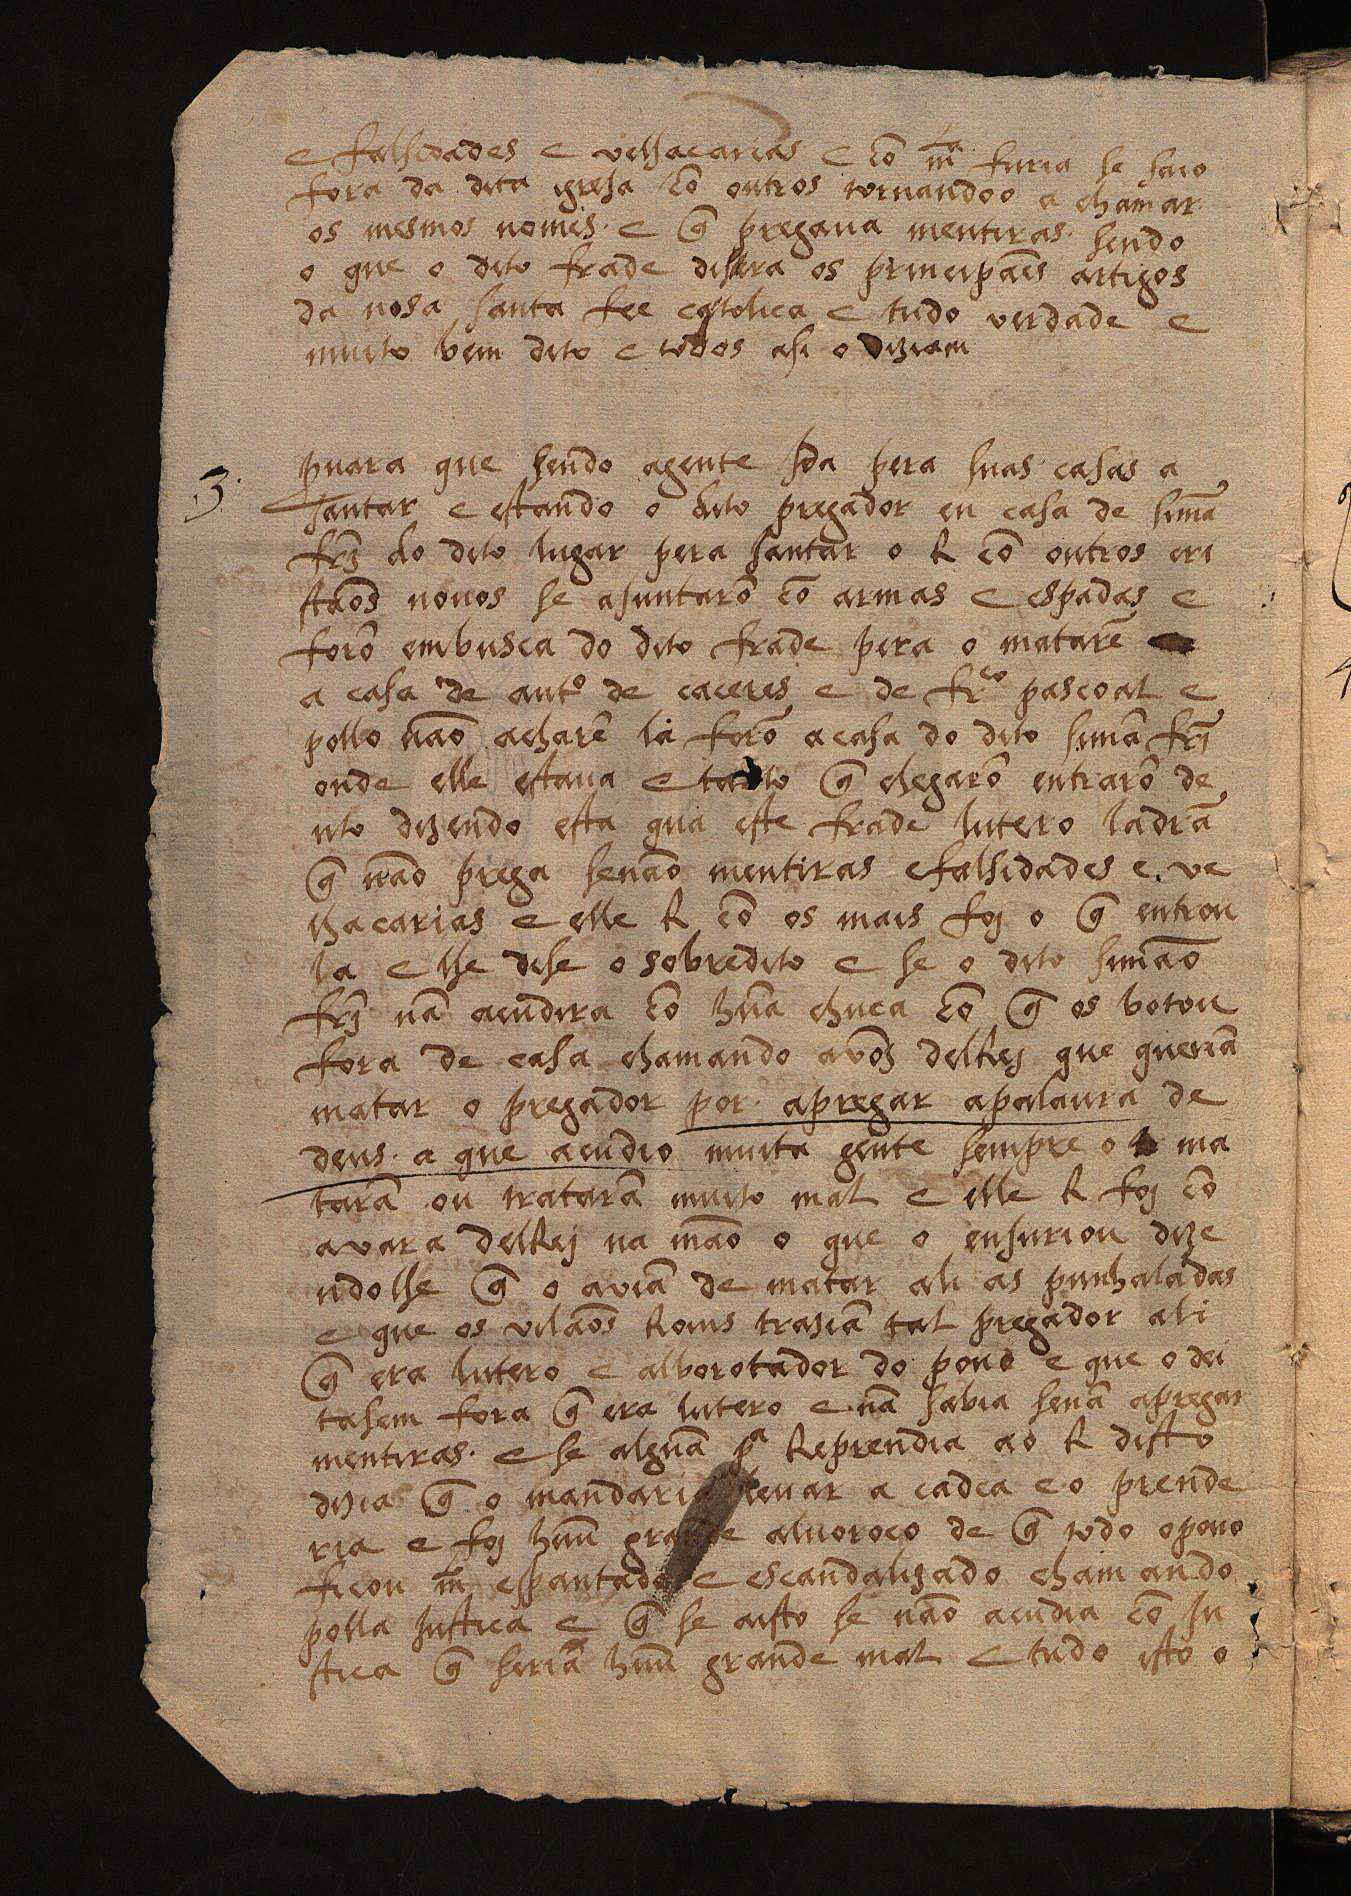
e falsidades e velhacarias e cō mta furia se saio
fora da dita igreJa cō outros tornandoo a chamar
os mesmos nomes. e q̄ pregaua mentiras sendo
o que o dito frade dissera os principāes artigos
da nosa santa fee catolica e tudo verdade e
muito bem dito e todos asi o diziam
ꝓuara que sendo a gente Jda pera suas casas a
jantar e estando o dito pregador en casa de Simā
frz̄ do dito lugar pera Jantar o R cō outros cri
stãos nouos se aJuntarō cō armas e espadas e
forō em busca do dito frade pera o matarē
a casa de anto de caceres e de frco pascoal e
pollo não acharē la forō a casa do dito simā frz̄
onde elle estaua e tanto q̄ chegarō entrarō de
nto dizendo esta qua este frade lutero ladrā
q̄ não prega senão mentiras e falsidades e ve
lhacarias e elle R cō os mais foj o q̄ entrou
la e lhe dise o sobredito e se o dito Simão
frz̄ nā acudira cō hūa chuca cō q̄ os botou
fora de casa chamando a vōs del Rej que queriā
matar o pregador por apregar a palaura de
deus. a que acudio muita gente sempre o _ ma
tarā ou tratarā muito maL e elle R foj cō
a vara del Rej na maõ o que o enjuriou dize
ndolhe q̄ o aviā de matar ali as punhaladas
e que os vilãos Roins trasiā tal pregador ali
q̄ era lutero e alborotador do pouo e que o dei
tasem fora q̄ era lutero e nā sabia senā apregar
mentiras. e se algūa pa Reprendia ao R disto
dizia q̄ o mandaria leuar a cadea e o prende
ria e foj huū grande aluoroço de q̄ todo o pouo
ficou mto espantado e escandalizado chamando
polla Justica e q̄ se a isto se não acudia cō Ju
stica q̄ seria huū grande mal e tudo isto o
